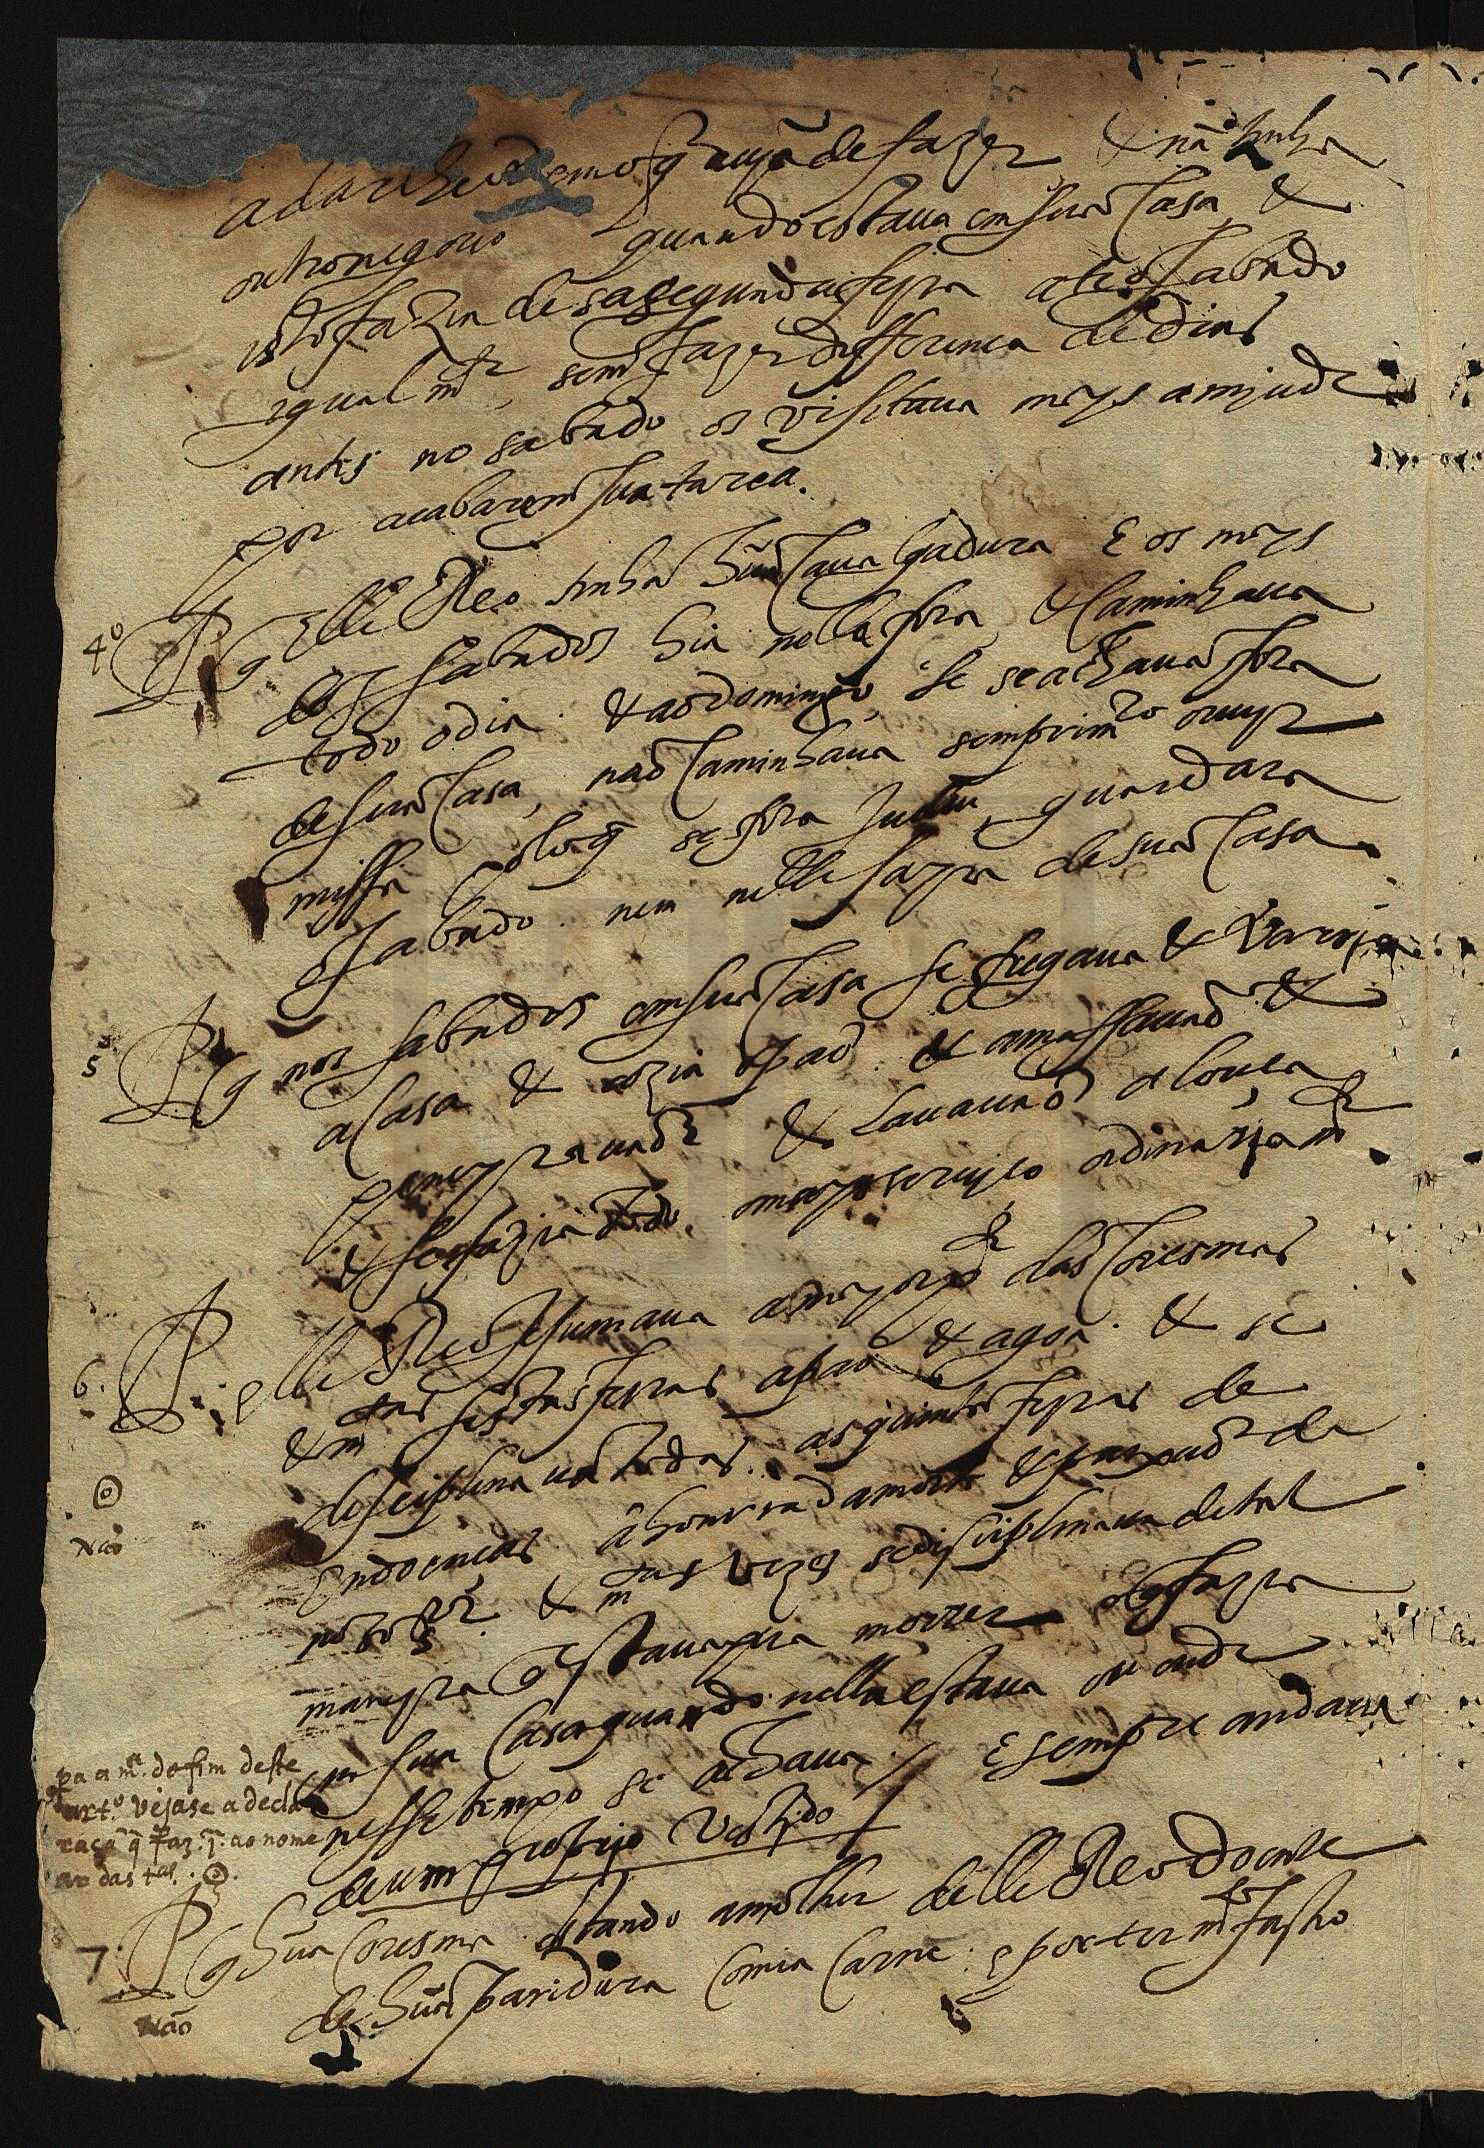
a darlhe ordem o q̄ aujā de fazer, & nā tinha
outro negocio quando estaua em sua Casa, &
isto fazia des a segunda fejra ate o Sabado
igualmte, sem fazer differença de dias
antes no sabado os visitaua mays amjude
por acabarem sua tarea.
P q̄ Elle Reo tinha huã Caualgadura E os mays
dos Sabados hia nella fora, & Caminhaua
todo o dia. & ao domingo, se se achaua fora
de sua Casa, naõ Caminhaua sem primro ouujr
missa polo q̄ se fora Judeu, guardara
o Sabado . nem nelle sayra de sua Casa
P q̄ nos Sabados em sua Casa se fregaua & Varrja
a Casa & cozia o paõ & amassauaõ &
peneyrauaõ & lauauão a louça
& se fazia todo o mays serujço ordinarjamte
P. Elle Reo Jejumaua a mayor pte das Coresmas
& mtas sestas feiras a paõ & agoa. & se
disciplinaua todas as quintas fejras de
Não
Endoenças à honrra da morte & paixaõ de
noso sor. & mtas vezes se disciplinaua de tal
manejra q̄ estaua pera morrer o q̄ fazia
em sua Casa quando nella estaua ou onde
nesse tempo se achaua ./ E sempre andaua
de um proprjo vestjdo
ꝑa a ma. do fim deste
art.o vejase a decla
raçā q̄ faz .j̄. ao nome
ar das tas.
P q̄ hūa Coresma estando a molher delle Reo doente
de huã paridura Comia Carne : E por ter mto fastio
Não
